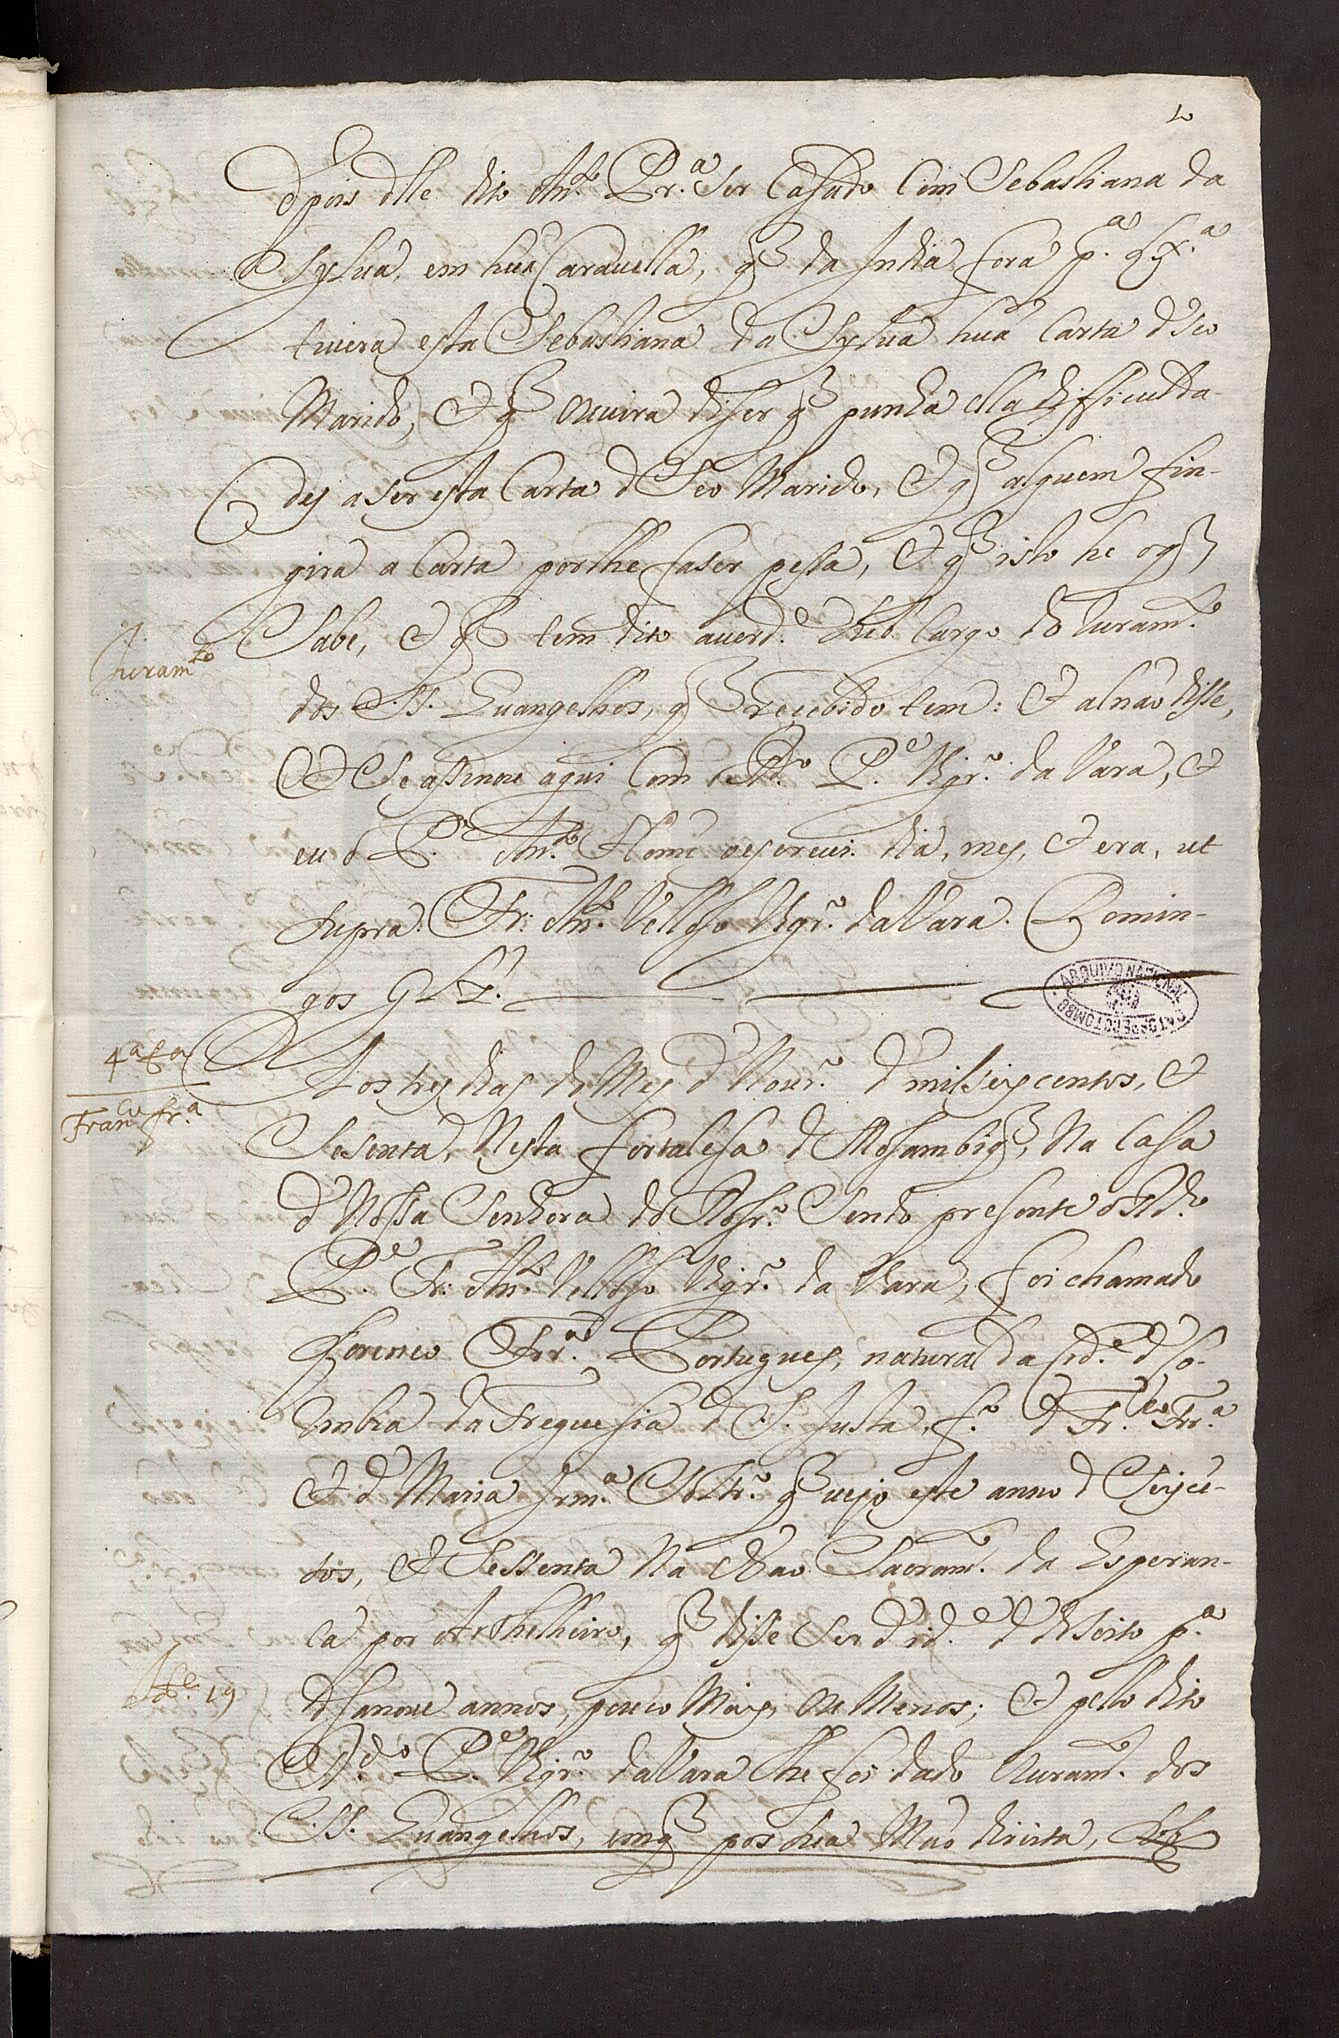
dpois dlle dito An.to Pr.a ser Casado Com Sebastiana da
Sylua, em huā Carauella, q̄ da India fora p.a Lx.a
tivera esta Sebastiana da Sylua huā Carta d seo
Marido, E q̄ ouuira diser q̄ punha ella difficulda
des a ser esta Carta d Seo Marido, E q̄ alguem fin
gira a Carta por lhe faser pessa, E q̄ isto he o q̄
Sabe, E q̄ tem dito a verd.e Sub Cargo do Juram.to
dos .SS, Evangelhos, q̄ reçebido tem: E al não disse,
et se assinou aqui Com o Rd.o P.e Vigr.o da Vara, et
eu o P.e An.to Homē o escreui dia, mesm, E era, ut
supra. Fr: An.to Velloso Vigr.o da Vara. Domin
gos Glz̄.
Aos tres dias do Mes d Novr.o d mil seiscentos, et
Sesenta, Nesta fortalesa d Mosambiq̄, na Casa
d Nossa Senhora do Rosr.o Sendo presente o R.do
P.e Fr: An.to Velloso Vigr.o da Vara, foi chamado
Lorenco Frr.a Portugues, natural da Cid.e d Co
Imbra da Freguesia d .S. Justa, f.o d Fr.co Frr.a
E d Maria Irm.a Soltr.o q̄ vejo este anno d Seiscē
tos, E Sessenta na Nao Sacram.to da Esperan
ca por Arthelheiro, q̄ disse ser d id.e desoito p.a
dsanoue annos, pouco Mais, ou Menos; E pello dito
R.do P.e Vigr.o da Vara lhe foi dado Juram.to dos
.SS. Evangelhos, em q̄ pos sua Maõ direita, Sob
